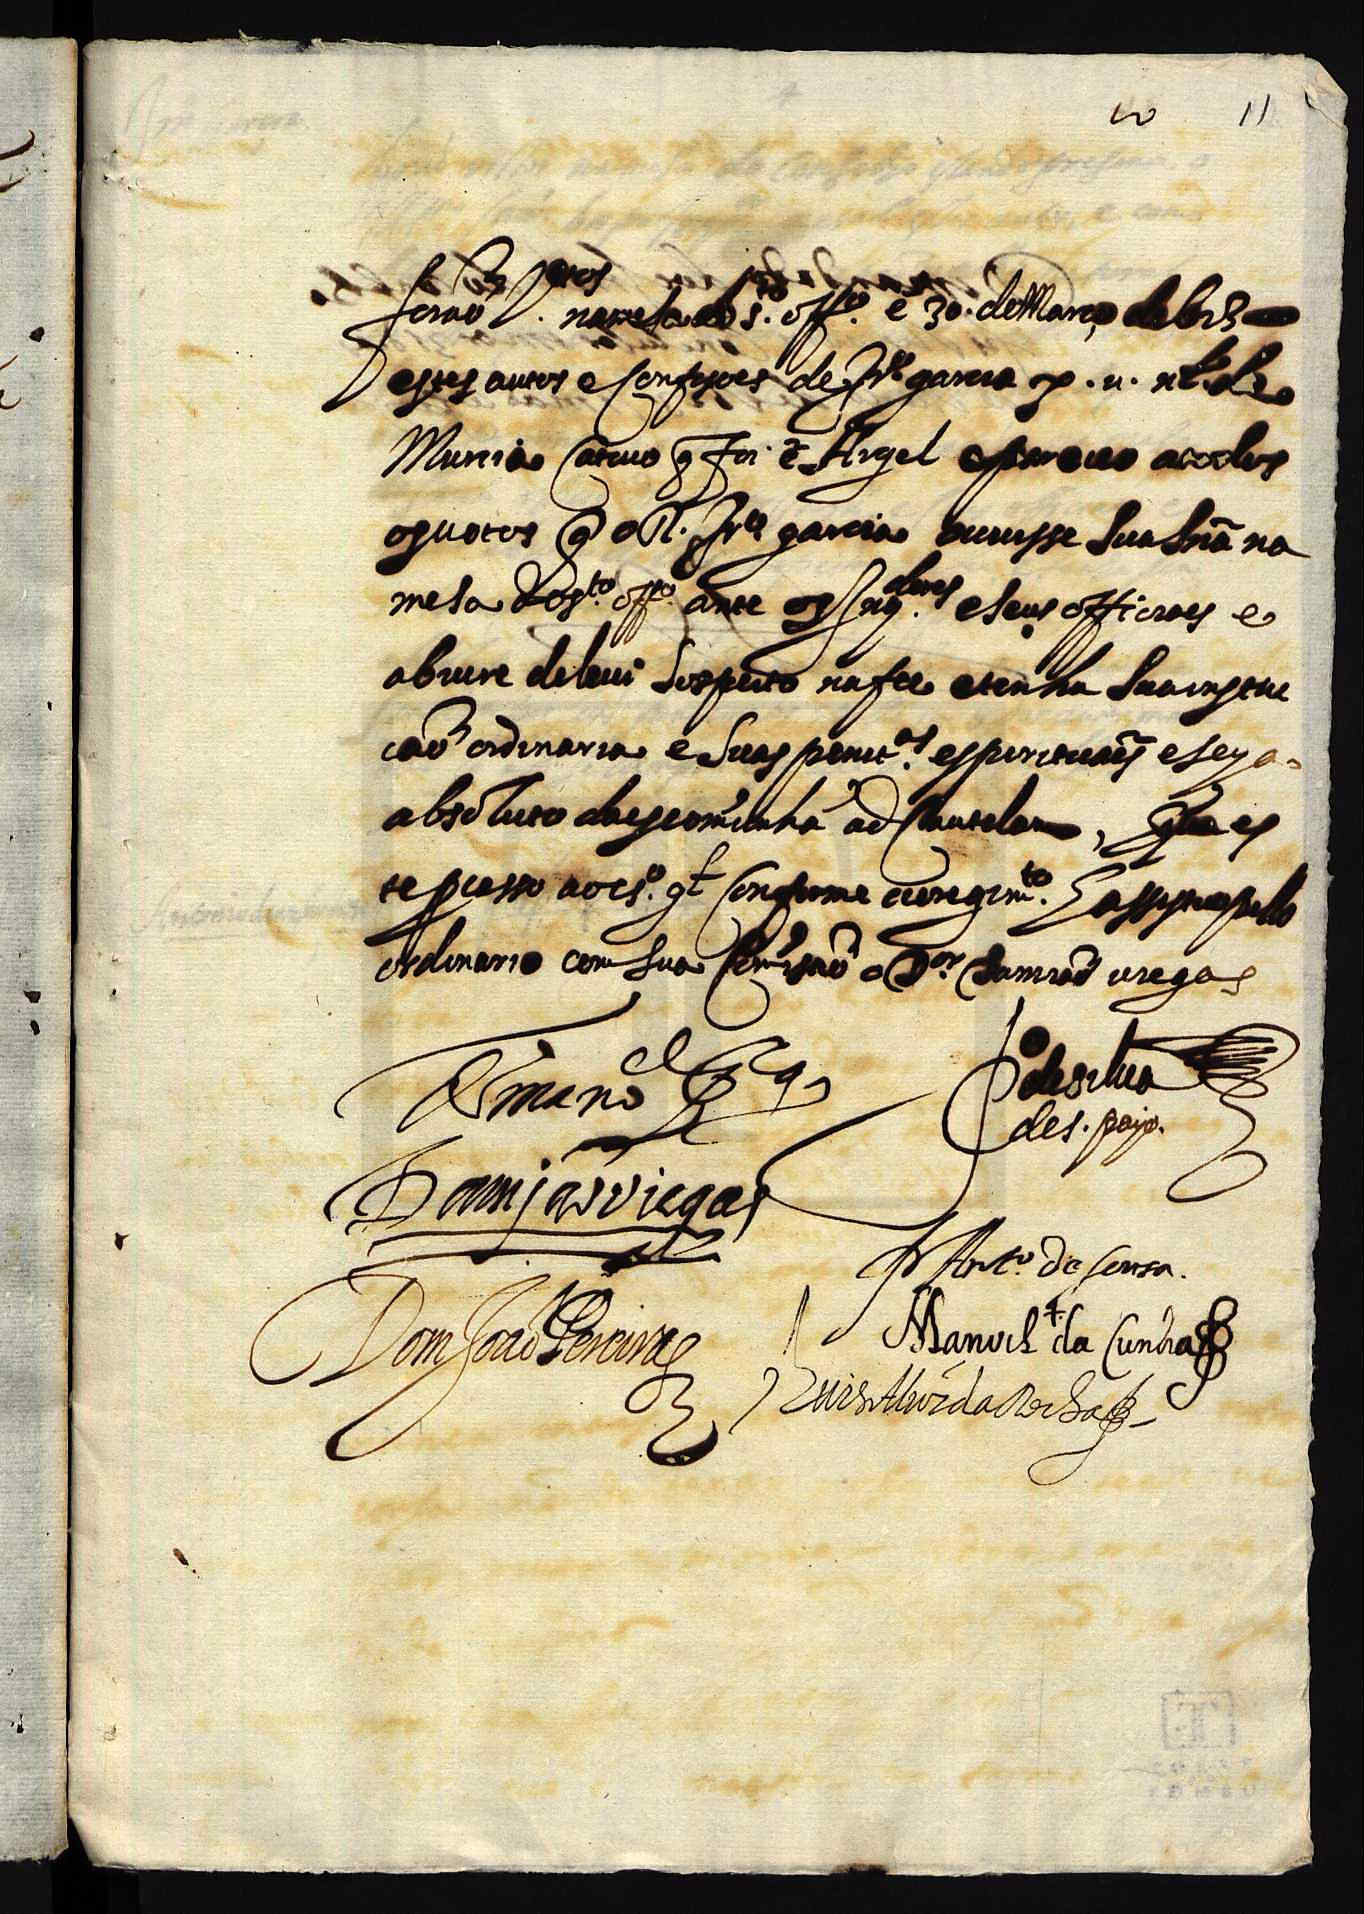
10
foraõ V.tos na mesa do s.to off.o ē 30 de Março de 613
estes autos e Confisoes de fr.co garcia x. n. nl̄ de
Murcia Catiuo q̄ foi ē Argel e pareceo a todos
os uotos q̄ o R. frco. garcia ouuisse sua snā na
mesa do s.to offo. ante os Jnq.dores e seus officiaes e
abiure de leui sospeito na fee e tenha sua instru
çaõ ordinaria e suas penit.as espirituaēs e seya
absoluto da escom̄unhā ad Cautelam, E que ua es
te ꝓcesso ao cs.o gl̄ Conforme ao regim.to E assiste pello
ordinario com sua Comīsaõ o D.or Damiaõ uiegas
Po de silua
de s. payo.
manoel pra
Damjaõ viegas
fr Ant.o de sousa.
Manoel da Cunha
Dom Joaõ Pereira
Luis Aluz̄ da Rocha
